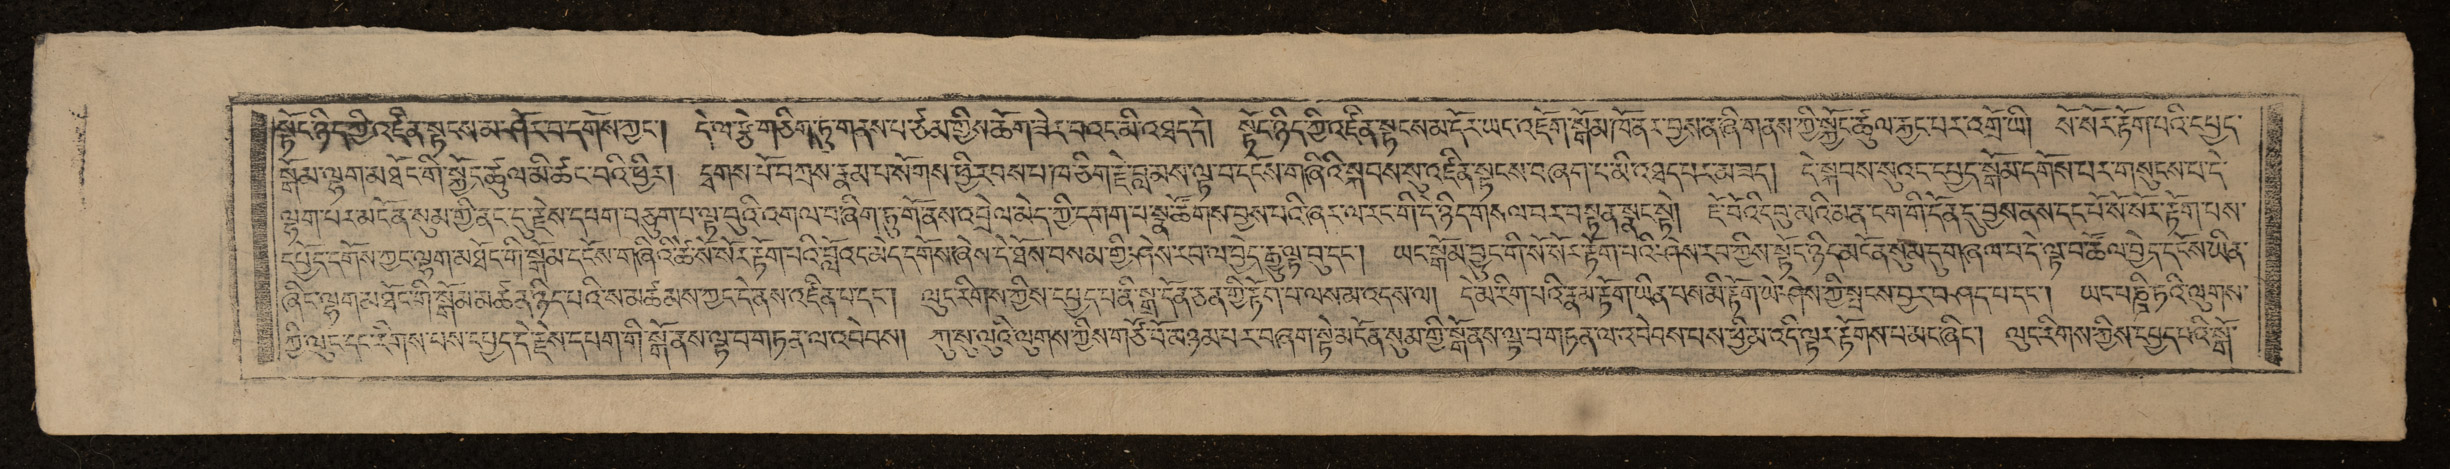སྟོང་ཉིད་ཀྱི་འཛིན་སྟངས་མ་ཤོར་བ་དགོས་ཀྱང་། དེ་ལ་རྩེ་གཅིག་ཏུ་གནས་པ་ཙམ་གྱིས་ཆོག་ཟེར་བའང་མི་འཐད་དེ། སྟོང་ཉིད་ཀྱི་འཛིན་སྟངས་མདོར་ཡང་འཇོག་སྒོམ་ཁོ་ནར་བྱས་ན་ཞི་གནས་ཀྱི་སྐྱོང་ཚུལ་རྐྱང་བར་འགྲོ་ཡི། སོ་སོར་རྟོག་པའི་དཔྱད་
སྒོམ་ལྷག་མཐོང་གི་སྐྱོང་ཚུལ་མི་ཚང་བའི་ཕྱིར། དྭགས་པོ་བཀྲས་རྣམ་པ་སོགས་ཕྱི་རབས་པ་ཁ་ཅིག་རྗེ་བླ་མས་ལྟ་བ་དངོས་གཞིའི་སྐབས་སུ་འཛིན་སྟངས་བཞག་པ་མིང་ཐད་བར་མ་ཟད། དེ་སྐབས་སུའང་དཔྱད་སྒོམ་དགོས་པར་གསུངས་པ་དེ་
ལྷག་པར་མངོན་སུམ་གྱི་ནང་དུ་རྗེས་དཔག་བཅུག་བ་ལྟ་བུའི་འགལ་བ་ཞིག་ཏུ་གོ་ནས་འབྲལ་མེད་ཀྱི་དགག་པ་སྣ་ཚོགས་བྱས་པའི་ཞར་ལ་རང་གི་དེ་ཉིད་གསལ་བར་བསྟན་སྣང་སྟེ། ཇོ་བོའི་དབུ་མའི་མན་ངག་གི་དོན་དུ་བྱས་ནས་དང་པོ་སོ་སོར་རྟོག་པས་
དཔྱོད་དགོས་ཀྱང་ལྷག་མཐོང་གི་སྒོམ་དངོས་གཞིའི་ཚེ་སོ་སོར་རྟོག་པའི་བློའང་མེད་དགོས་ཞེས་དེ་ཐོས་བསམ་གྱི་ཤེས་རབ་ལ་བྱེད་རྒྱུ་ལྟ་བུ་དང་། ཡང་སྒོམ་བྱུང་གི་སོ་སོར་རྟོག་པའི་ཤེས་རབ་ཀྱིས་སྟོང་ཉིད་མངོན་སུམ་དུ་གཞལ་བ་དེ་ལྟ་བ་ཚོལ་བྱེད་དངོས་མིན་
ཞིང་ལྷག་མཆོག་གི་སྒོམ་མཚན་ཉིད་པའི་ས་མཚམས་ཀྱང་དེ་ནས་འཛིན་པ་དང་། ལུང་རིགས་ཀྱིས་དཔྱད་པ་ནི་སྒྲ་དོན་ཅན་གྱི་རྟོག་པ་ལས་མ་འདས་ལ། དེ་མ་རིག་པའི་རྣམ་རྟོག་ཡིན་པས་མི་རྟོག་ཡེ་ཤེས་ཀྱི་སྤངས་བྱར་བཤད་པ་དང་། ཡང་པཎྜི་ཏའི་ལུགས་
ཀྱི་ལུང་དང་རིགས་པས་དཔྱད་དེ་རྗེས་དཔག་གི་སྒོ་ནས་ལྟ་བ་གཏན་ལ་འབེབས། ཀུ་སུ་ལུའི་ལུགས་ཀྱིས་གཙོ་བོ་མཉམ་པར་བཞག་སྟེ་མངོན་སུམ་གྱི་སྒོ་ནས་ལྟ་བ་གཏན་ལ་འབེབས་པས་ཕྱི་མ་འདི་ལྟར་རྟོགས་པ་མང་ཞིང་། ལུང་རིགས་ཀྱིས་དཔྱད་པའི་སྒོ་